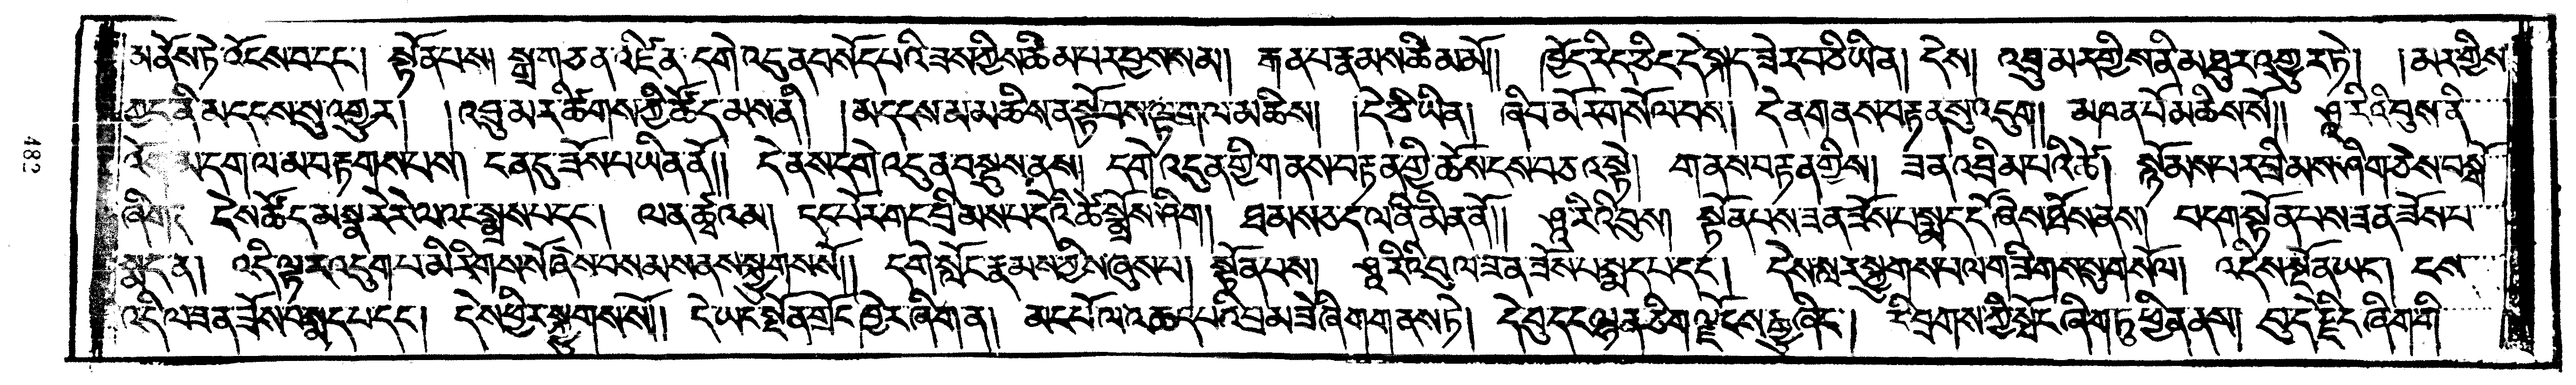མནོས་ཏེ་འོངས་བ་དང་། སྟོན་པས། སྒྲ་གཅན་འཛིན་དགེ་འདུན་བསོད་པའི་ཟས་ཀྱིས་ཚིམ་པར་བྱས་སམ། རྒན་པ་རྣམས་ཚིམ་མོ།། ཁྱོད་རིད་ཅིང་དེ་སྐད་ཟེར་བ་ཅི་ཡིན། དེས། འབྲུ་མར་གྱིས་ནི་མཐུར་འགྱུར་ཏེ། །མར་གྱིས་
ཀྱང་ནི་མདངས་སུ་འགྱུར། །འབྲུ་མར་ཚིགས་ཀྱི་ཚོད་མས་ནི། །མདངས་མ་མཆིས་ན་སྟོབས་ལྟག་ལ་མཆིས། །དེ་ཅི་ཡིན། ཞིབ་མོར་གསོལ་བས། དེ་ན་གནས་བརྟན་སུ་འདུག། མཁན་པོ་མཆིས་སོ།། ཤཱ་རིའི་བུས་ནི་
འོག་མ་དག་ལ་མ་བརྟགས་པས། ངན་དུ་ཟོས་པ་ཡིན་ནོ།། དེ་ནས་དགེ་འདུན་བསྡུས་ནས། དགེ་འདུན་གྱི་གནས་བརྟན་གྱི་ཆོས་ངས་བཅའ་སྟེ། གནས་བརྟན་གྱིས། ཟན་འབྲིམ་པའི་ཚེ། སྙོམས་པར་བྲིམས་ཤིག་ཅེས་བསྒོ་
ཞིག༑ ངེས་ཚོད་མ་སྣ་རེ་རེ་ལའང་སྨྲས་པ་དང་། ལན་ཚྭ་འམ། དང་པོར་གང་བྲི་མས་པ་དེའི་ཚེ་སྨྲོས་ཤིག། ཐམས་ཅད་ལ་ནི་མིན་ནོ།། ཤཱ་རིའི་བུས། སྟོན་པས་ཟན་ཟོས་པ་སྨད་དོ་ཞེས་ཐོས་ནས། བདག་སྟོན་པས་ཟན་ཟོས་པ་
སྨད་ན། འདི་ལྟར་འདུག་པ་མི་རིགས་སོ་ཞེས་བསམས་ནས་སྐྱུགས་སོ།། དགེ་སློང་རྣམས་ཀྱིས་ཞུས་པ། སྟོན་པས། ཤཱ་རིའི་བུལ་ཟན་ཟོས་པ་སྨད་པ་དང་། དེས་སླར་སྐྱུགས་པལ་གཟིགས་སུ་གསོལ། འདིས་སྔོན་ཡང་། ངས་
འདི་ལ་ཟན་ཟོས་བ་སྨད་པ་དང་། དེས་ཕྱིར་སྐྱུགས་སོ།། དེ་ཡང་སྔོན་གྲོང་ཁྱེར་ཞིག་ན། མང་པོ་ལ་འཆད་པའི་བྲམ་ཟེ་ཞིག་གནས་ཏེ། དེ་བུ་དང་ལྷན་ཅིག་ལྗོངས་རྒྱུ་ཞིང་། རི་བྲགས་ཀྱི་སྤོང་ཞིག་ཏུ་ཕྱིན་ནས། བུ་དེ་རྫིང་ཞིག་གི་